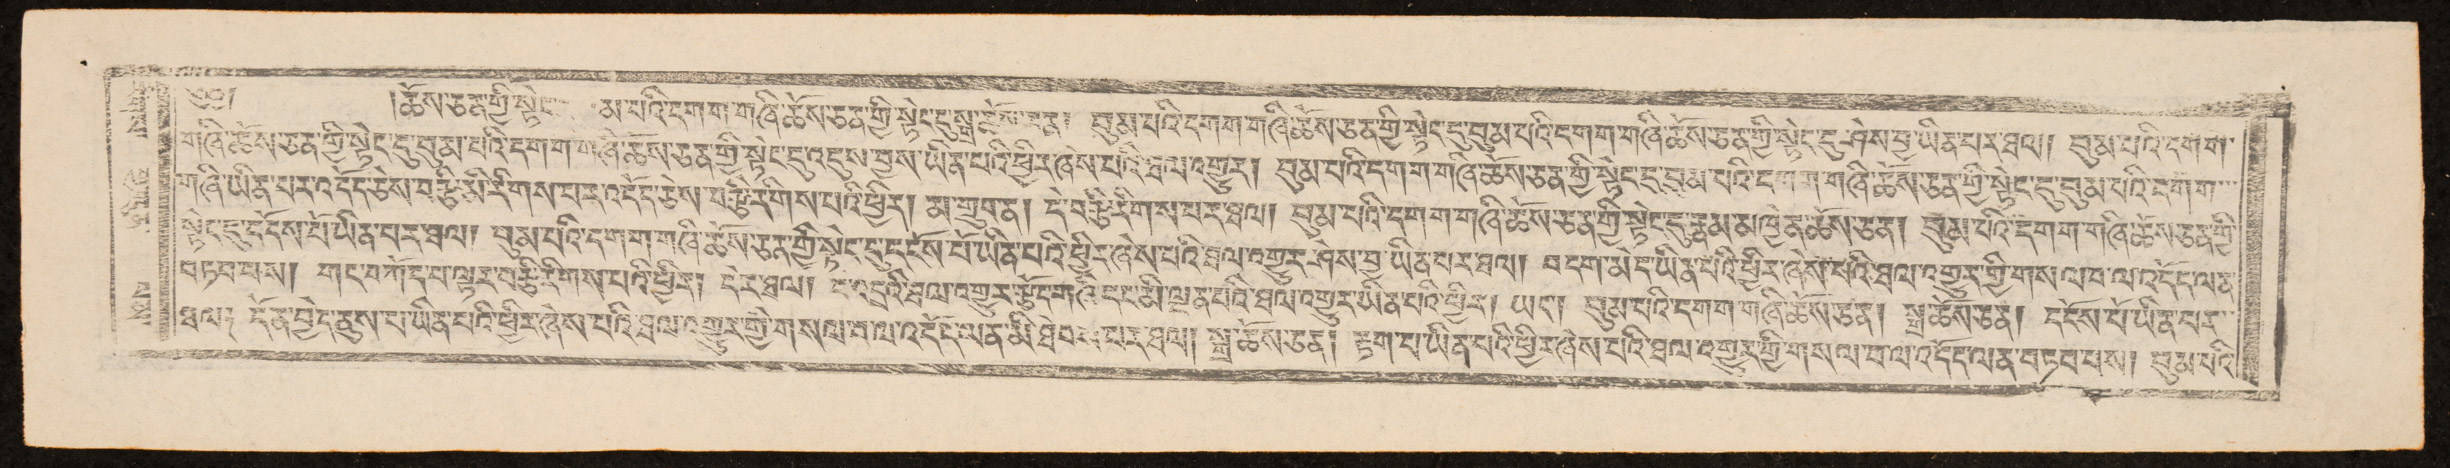༄༅། །ཆོས་ཅན་གྱི་སྟེང་དུ་བུམ་པའི་དགག་གཞི་ཆོས་ཅན་གྱི་སྟེང་དུ་སྒྲ་ཆོས་ཅན། བུམ་པའི་དགག་གཞི་ཆོས་ཅན་གྱི་སྟེང་དུ་བུམ་པའི་དགག་གཞི་ཆོས་ཅན་གྱི་སྟེང་དུ་ཤེས་བྱ་ཡིན་པར་ཐལ། བུམ་པའི་དགག་
གཞི་ཆོས་ཅན་གྱི་སྟེང་དུ་བུམ་པའི་དགག་གཞི་ཆོས་ཅན་གྱི་སྟེང་དུ་འདུས་བྱས་ཡིན་པའི་ཕྱིར་ཞེས་པའི་ཐལ་འགྱུར། བུམ་པའི་དགག་གཞི་ཆོས་ཅན་གྱི་སྟེང་དུ་བུམ་པའི་དགག་གཞི་ཆོས་ཅན་གྱི་སྟེང་དུ་བུམ་པའི་དགག་
གཞི་ཡིན་པར་འདོད་ཅེས་བརྩི་མི་རིགས་པར་འདོད་ཅེས་བརྩི་རིགས་པའི་ཕྱིར། མ་གྲུབ་ན། དེ་བརྩི་རིགས་པར་ཐལ། བུམ་པའི་དགག་གཞི་ཆོས་ཅན་གྱི་སྟེང་དུ་རྣམ་མཁྱེན་ཆོས་ཅན། བུམ་པའི་དགག་གཞི་ཆོས་ཅན་གྱི་
སྟེང་དུ་དངོས་པོ་ཡིན་པར་ཐལ། བུམ་པའི་དགག་གཞི་ཆོས་ཅན་གྱི་སྟེང་དུ་དངོས་པོ་ཡིན་པའི་ཕྱིར་ཞེས་པའི་ཐལ་འགྱུར་ཤེས་བྱ་ཡིན་པར་ཐལ། བདག་མེད་ཡིན་པའི་ཕྱིར་ཞེས་པའི་ཐལ་འགྱུར་གྱི་གསལ་བ་ལ་འདོད་ལན་
བཏབ་པས། གང་བཀོད་པ་ལྟར་བརྩི་རིགས་པའི་ཕྱིར། དེར་ཐལ། དེ་འདྲའི་ཐལ་འགྱུར་རྩོད་གཞི་དང་མི་ལྡན་པའི་ཐལ་འགྱུར་ཡིན་པའི་ཕྱིར། ཡང་། བུམ་པའི་དགག་གཞི་ཆོས་ཅན། སྒྲ་ཆོས་ཅན། དངོས་པོ་ཡིན་པར་
ཐལ། དོན་བྱེད་ནུས་པ་ཡིན་པའི་ཕྱིར་ཞེས་པའི་ཐལ་འགྱུར་གྱི་གསལ་བ་ལ་འདོད་ལན་མི་ཐེབས་པར་ཐལ། སྒྲ་ཆོས་ཅན། རྟག་པ་ཡིན་པའི་ཕྱིར་ཞེས་པའི་ཐལ་འགྱུར་གྱི་གསལ་བ་ལ་འདོད་ལན་བཏབ་པས། བུམ་པའི་